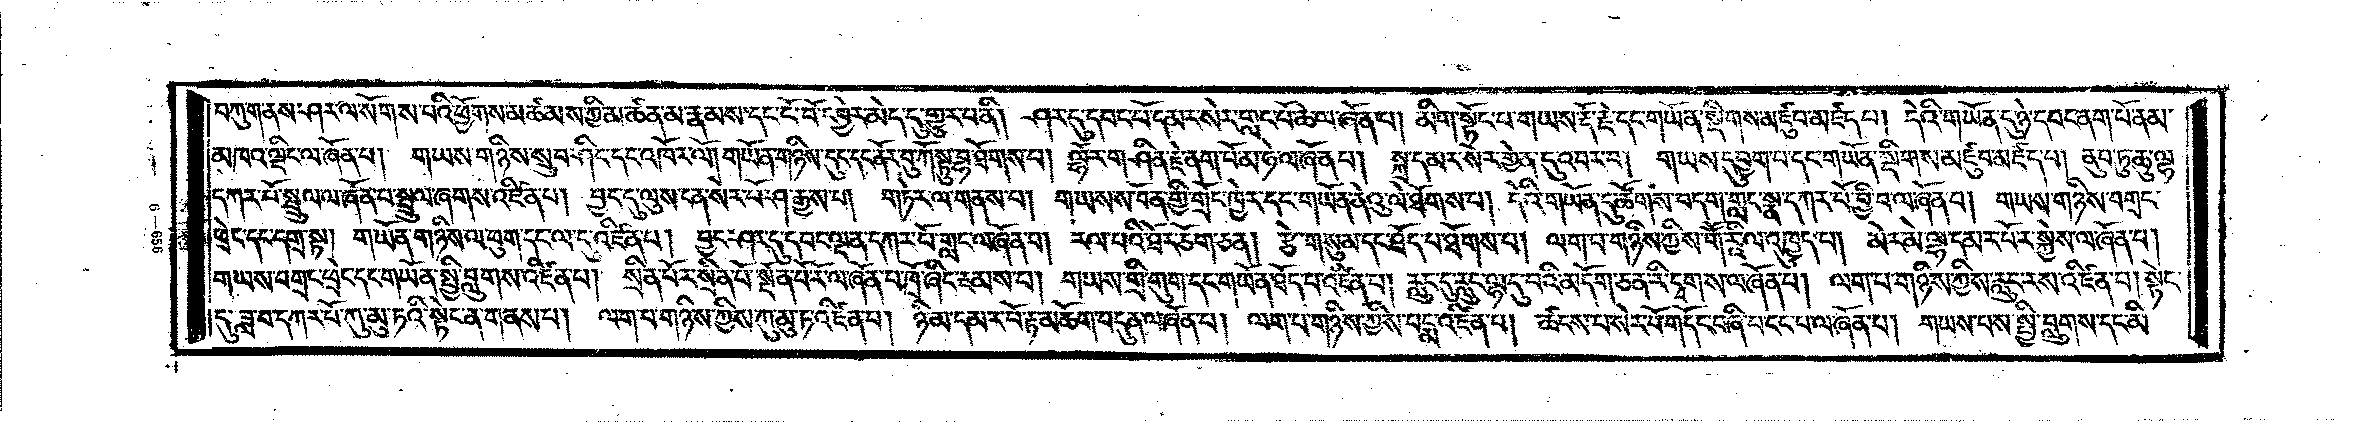བཀུག་ནས་ཤར་ལ་སོགས་པའི་ཕྱོགས་མཚམས་ཀྱི་མཚན་མ་རྣམས་དང་ངོ་བོ་དབྱེར་མེད་དུ་གྱུར་པ་ནི། ཤར་དུ་དབང་པོ་དམར་སེར་གླང་པོ་ཆེ་ལ་ཞོན་པ། མིག་སྟོང་པ་གཡས་རྡོ་རྗེ་དང་གཡོན་སྡིགས་མཛུབ་མཛད་པ། དེའི་གཡོན་དུ་ཉེ་དབང་ནག་པོ་ནམ་
མཁའ་ལྡིང་ལ་ཞོན་པ། གཡས་གཉིས་སྲུབ་ཤིང་དང་འཁོར་ལོ། གཡོན་གཉིས་དུང་དང་ནོར་བུ་ཀོ་སྟུ་བྷ་ཐོགས་པ། ལྷོར་གཤིན་རྗེ་ནག་པོ་མ་ཧེ་ལ་ཞོན་པ། སྐྲ་དམར་སེར་གྱེན་དུ་འབར་བ། གཡས་དབྱུག་པ་དང་གཡོན་སྡིགས་མཛུབ་མཛད་པ། ནུབ་ཏུ་ཆུ་ལྟ་
དཀར་པོ་སྤྲུལ་ལ་ཞོན་བ་སྤྲུལ་ཞགས་འཛིན་པ། བྱང་དུ་ལུས་ངན་སེར་པོ་ཤ་རྒྱས་པ། གཏེར་ལ་གནས་པ། གཡས་ས་བོན་གྱི་གྲོང་ཁྱེར་དང་གཡོན་ནེའུ་ལེ་ཐོགས་པ། དེའི་གཡོན་དུ་ཚོགས་བདག་གླང་སྣ་དམར་པོ་བྱི་བ་ལ་ཞོན་པ། གཡས་གཉིས་བགྲང་
ཕྲེང་དང་དགྲ་སྟེ། གཡོན་གཉིས་ལ་ཕུག་དང་ལ་དུ་འཛིན་པ། བྱང་ཤར་དུ་དབང་ལྡན་དཀར་པོ་གླང་ལ་ཞོན་པ། རལ་པའི་ཐོར་ཅོག་ཅན། རྩེ་གསུམ་དང་ཐོད་པ་ཐོགས་པ། ལག་པ་གཉིས་ཀྱིས་གཽ་རཱི་ལ་འཁྱུད་པ། མེར་མ་ལྷ་དམར་པོར་སྐྱེས་ལ་ཞོན་པ།
གཡས་བགྲང་ཕྲེང་དང་གཡོན་སྤྱི་བླུགས་འཛིན་པ། སྲིན་པོར་སྲིན་པོ་སྔོན་པོ་རོ་ལ་ཞོན་པ་ཁྲོ་ཞིང་རྔམས་པ། གཡས་གྲི་གུག་དང་གཡོན་ཐོད་པ་འཛིན་པ། རླུང་དུ་རླུང་ལྷ་དུ་བའི་མདོག་ཅན་རི་དྭགས་ལ་ཞོན་པ། ལག་པ་གཉིས་ཀྱིས་རླུང་རས་འཛིན་པ། སྟེང་
དུ་ཟླ་བ་དཀར་པོ་ཀུ་མུ་ཏའི་སྟེང་ན་གནས་པ། ལག་པ་གཉིས་ཀྱིས་ཀུ་མུ་ཏ་འཛིན་པ། ཉི་མ་དམར་པོ་རྟ་མཆོག་བདུན་ལ་ཞོན་པ། ལག་པ་གཉིས་ཀྱིས་པདམ་འཛིན་པ། ཚངས་པ་སེར་པོ་གདོང་བཞི་པ་ངང་པ་ལ་ཞོན་པ། གཡས་པས་སྤྱི་བླུགས་དང་མི་